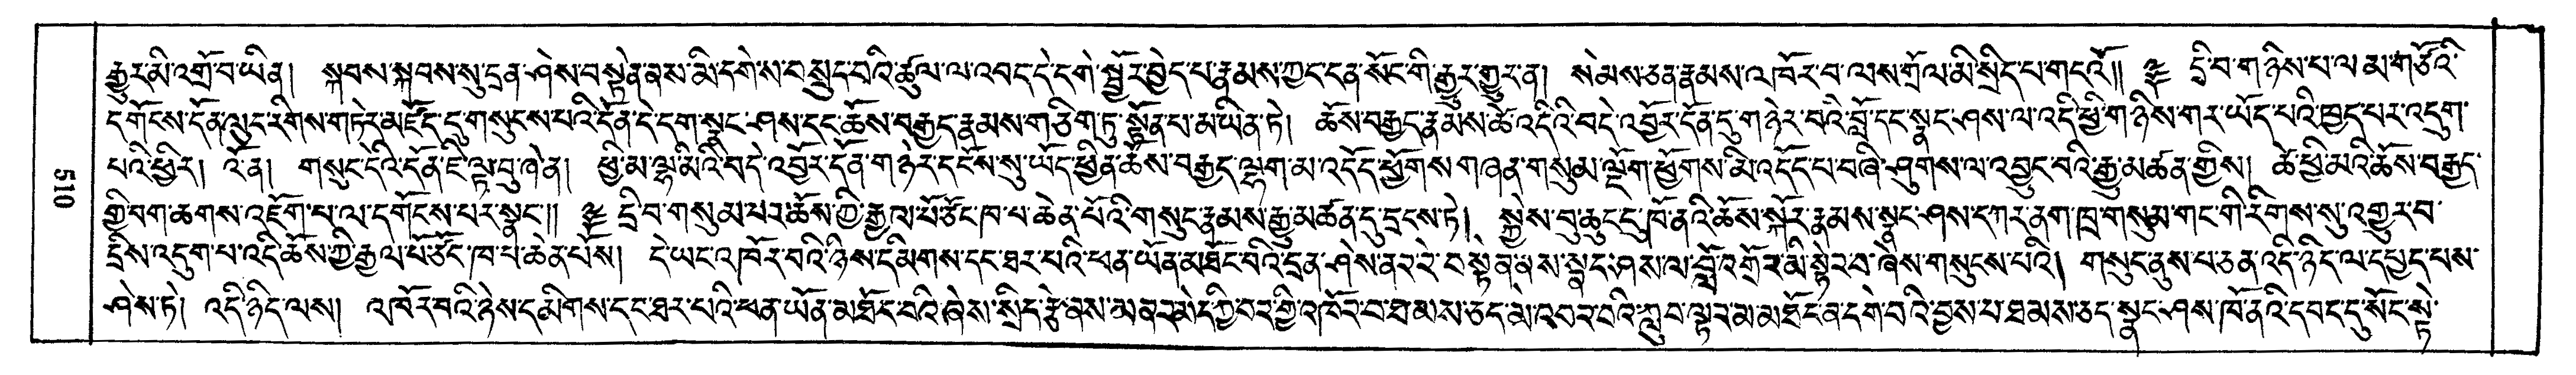རྒྱུར་མི་འགྲོ་བ་ཡིན། སྐབས་སྐབས་སུ་དྲན་ཤེས་བསྟེན་ནས་མི་དགེ་བ་བསྲུང་བའི་ཚུལ་ལ་འབད་དེ་དགེ་སྦྱོར་བྱེད་པ་རྣམས་ཀྱང་དན་སོང་གི་རྒྱུར་གྱུར་ན། སེམས་ཅན་རྣམས་འཁོར་བ་ལས་གྲོལ་མི་སྲིད་པ་གདའོ།། ༈ དྲི་བ་གཉིས་པ་ལམ་གཙོའི་
དགོངས་དོན་ལུད་རིགས་གཏེར་མཛོད་དུ་གསུངས་པའི་དོན་དེ་དག་སྣང་ཤས་དང་ཆོས་བརྒྱད་རྣམས་གཅིག་ཏུ་སྟོན་པ་མ་ཡིན་ཏེ། ཆོས་བརྒྱད་རྣམས་ཚེ་འདིའི་བདེ་འབྱོར་དོན་དུ་གཉེར་བའི་བློ་དང་སྣང་ཤས་ལ་འདི་ཕྱི་གཉིས་ཀར་ཡོད་པའི་ཁྱད་པར་འདུག་
པའི་ཕྱིར། འོ་ན། གསུང་དའི་དོན་ཇི་ལྟ་བུ་ཞེ་ན། ཕྱི་མ་ལྷ་མིའི་བདེ་འབྱོར་དོན་གཉེར་དངོས་སུ་ཡོད་ཕྱིན་ཆོས་བརྒྱད་ལྷག་མ་འདོད་ཕྱོགས་གཞན་གསུམ་ལྡོག་ཕྱོགས་མི་འདོད་པ་བཞི་ཤུགས་ལ་འབྱུང་བའི་རྒྱུ་མཚན་གྱིས། ཚེ་ཕྱི་མའི་ཆོས་བརྒྱད་
ཀྱི་བག་ཆགས་འཇོག་པ་ལ་དགོངས་པར་སྣང།། ༈ དྲི་བ་གསུམ་པར་ཆོས་ཀྱི་རྒྱལ་པོ་ཙོང་ཁ་པ་ཆེན་པོའི་གསུང་རྣམས་རྒྱུ་མཚན་དུ་དྲངས་ཏེ། སྐྱེས་བུ་ཆུང་དུ་ཁོ་ནའི་ཆོས་སྐོར་རྣམས་སྣང་ཤས་དཀར་ནག་ཁྲ་གསུམ་གང་གི་རིགས་སུ་འགྱུར་བ་
བྲིས་འདུག་པ་འདི་ཆོས་ཀྱི་རྒྱལ་པོ་ཙོང་ཁ་པ་ཆེན་པོས། དེ་ཡང་འཁོར་བའི་ཉེས་དམིགས་དང་ཐར་པའི་ཕན་ཡོན་མཐོང་བའི་དྲན་ཤེས་ནར་རེའི་བསྟེན་ནས་སྣང་ཤས་ལ་བློ་འགྲོར་མི་སྟེར་བ་ཞེས་གསུངས་པའི། གསུང་ནུས་པ་ཅན་འདི་ཉིད་ལ་དཔྱད་པས་
ཤེས་ཏེ། འདི་ཉིད་ལས། འཁོར་བའི་ཉེས་དམིགས་དང་ཐར་པའི་ཕན་ཡོན་མཐོང་བའི་ཞེས་སྲིད་རྩེ་ནས་མནར་མེད་ཀྱི་བར་གྱི་འཁོར་བ་ཐམས་ཅད་མེ་འབར་བའི་ཀླུབ་ལྟར་མ་མཐོང་ན་དགེ་བཅི་བྱས་པ་ཐམས་ཅད་སྣང་ཤས་ཁོ་ནའི་དབང་དུ་སོང་སྟེ་